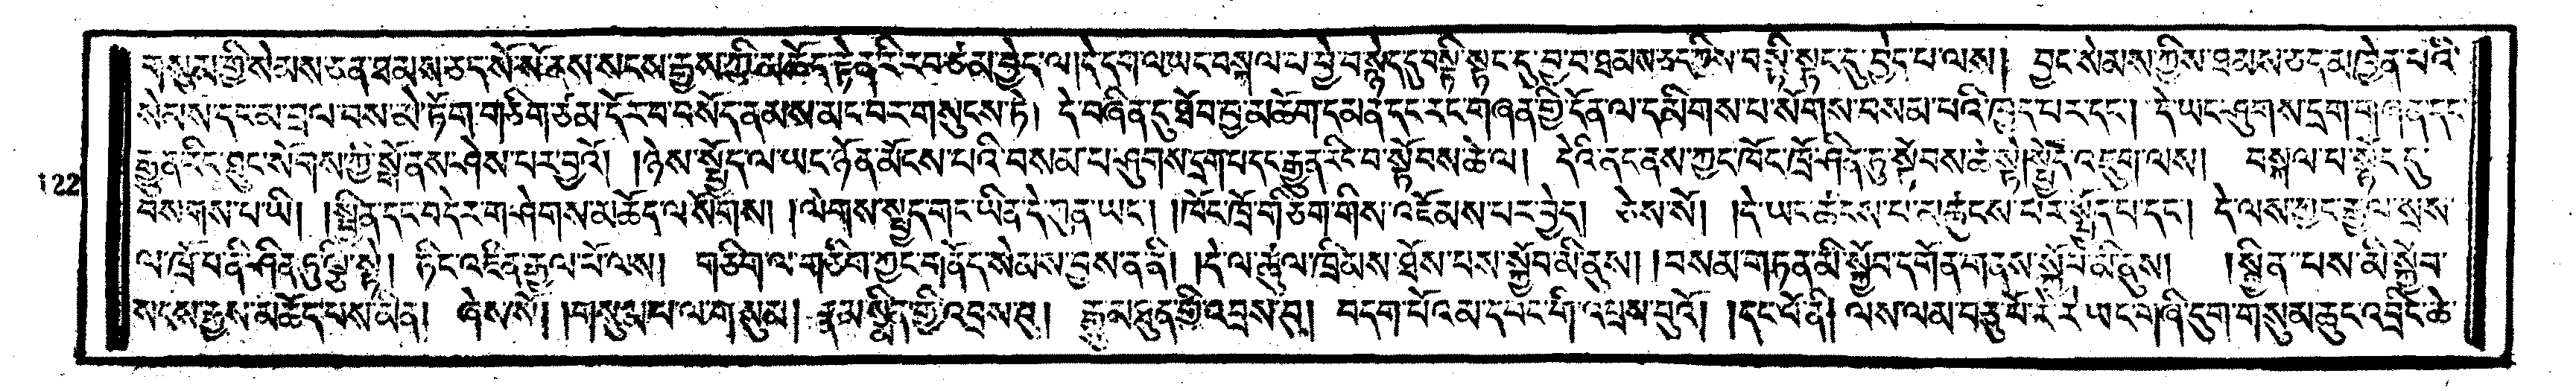གསུམ་གྱི་སེམས་ཅན་ཐམས་ཅད་སོ་སོ་ནས་སངས་རྒྱས་ཀྱི་མཆོད་རྟེན་རི་རབ་ཙམ་བྱེད་ལ་།དེ་དག་ལ་ཡང་བསྐལ་པ་བྱེ་བསྙེད་དུ་བསྟི་སྟང་དུ་བྱ་བ་ཐམས་ཅད་ཀྱིས་བསྟི་སྟང་དུ་བྱེད་པ་ལས། བྱང་སེམས་ཀྱིས་ཐམས་ཅད་མཁྱེན་པའི་
སེམས་དང་མ་བྲལ་བས་མེ་ཏོག་གཅིག་ཙམ་དོར་བ་བསོད་ནམས་མང་བར་གསུངས་ཏེ། དེ་བཞིན་དུ་ཐོབ་བྱ་མཆོག་དམན་དང་རང་གཞན་གྱི་དོན་ལ་དམིགས་པ་སོགས་བསམ་པའི་ཁྱད་པར་དང་། དེ་ཡང་ཤུགས་དྲག་གཞན་དང་
རྒྱུན་རིང་ཐུང་སོགས་ཀྱི་སྒོ་ནས་ཤེས་པར་བྱའོ། །ཉེས་སྤྱོད་ལ་ཡང་ཉོན་མོངས་པའི་བསམ་པ་ཤུགས་དྲག་པ་དང་རྒྱུན་རིང་པ་སྟོབས་ཆེ་ལ། དེའི་ནང་ནས་ཀྱང་ཁོང་ཁྲོ་ཤིན་ཏུ་སྟོབས་ཆེ་སྟེ། སྤྱོད་འཇུག་ལས། བསྐལ་པ་སྟོང་དུ་
བསགས་པ་ཡི། །སྦྱིན་དང་བདེར་གཤེགས་མཆོད་ལ་སོགས། །ལེགས་སྤྱད་གང་ཡིན་དེ་ཀུན་ཡང་། །ཁོང་ཁྲོ་གཅིག་གིས་འཇོམས་པར་བྱེད། ཅེས་སོ། །དེ་ཡང་ཚངས་པ་མཚུངས་པར་སྤྱོད་པ་དང་། དེ་ལས་ཀྱང་རྒྱལ་སྲས་
ལ་ཁྲོ་བ་ནི་ཤིན་ཏུ་ལྕི་སྟེ། ཏིང་འཛིན་རྒྱལ་པོ་ལས། གཅིག་ལ་གཅིག་ཀྱང་གནོད་སེམས་བྱས་ན་ནི། །དེ་ལ་ཚུལ་ཁྲིམས་ཐོས་པས་སྐྱོབ་མི་ནུས། །བསམ་གཏན་མི་སྐྱོབ་དགོན་གནས་སྐྱོབ་མི་ནུས། །སྦྱིན་པས་མི་སྐྱོབ་
སངས་རྒྱས་མཆོད་པས་མིན། ཞེས་སོ། །གསུམ་པ་ལ་གསུམ། རྣམ་སྨིན་གྱི་འབྲས་འུ། རྒྱུ་མཐུན་གྱི་འབྲས་བུ། བདག་པོའམ་དཔང་གི་འབྲས་བུའོ། །དང་པོ་ནི། ལས་ལམ་བཅུ་པོ་རེ་རེ་ཡང་གཞི་དུག་གསུམ་ཆུང་འབྲིང་ཆེ་